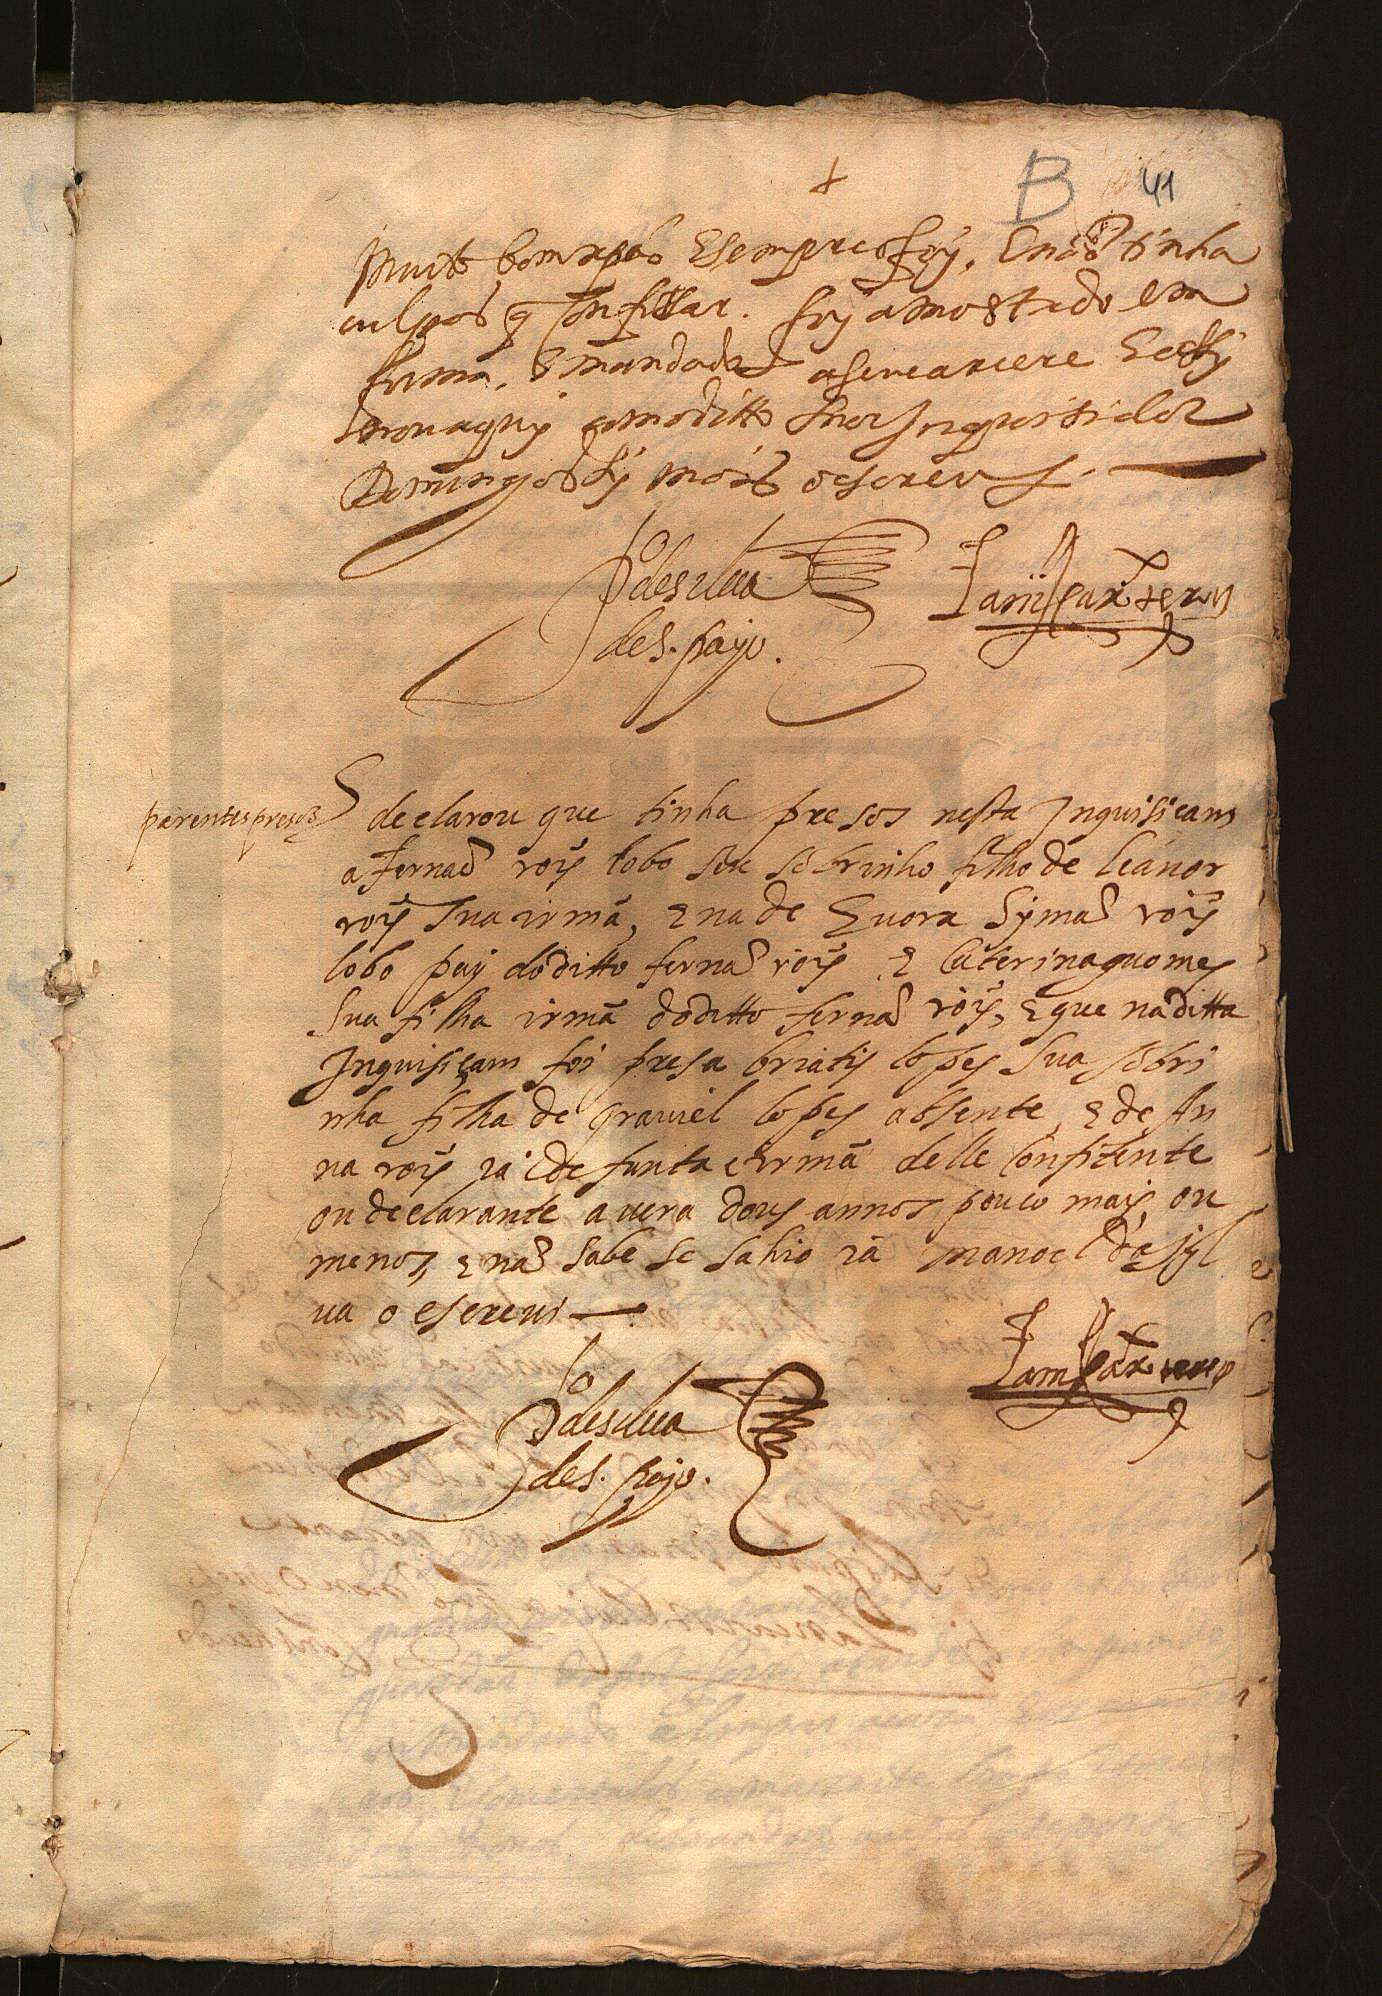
muito bom xpaõ E sempre foy, E não tinha
culpas q̄ confessar foy amoestado em
forma, E mandado a seu carcere E assy
nou aquy com o ditto snor Jnquisidor
Domingos Symões o escreuj.
Po de silua
LamsÇarote roiz
de s. payo.
perentes presos
E declarou que tinha presos nesta Jnquisiçam
a Fernaõ rois̄ lobo seu sobrinho filho de leanor
rois̄ sua irmā, E na de Euora Symaõ rois̄
lobo pay do ditto fernaõ roiz, E Caterina guomes
sua filha irmā do ditto fernaõ rois̄, E que na ditta
Jnquisiçam foi presa briatis lopes sua sobri
nha filha de grauiel lopes absente, E de An
na rois̄ ia defunta e irmā delle Confitente
ou declarante auera dous annos pouco mais, ou
menos, E não sabe se sahio ia manoel da syl
ua o escreui
Lamsarote _
Po de silua
de s. pajo.
